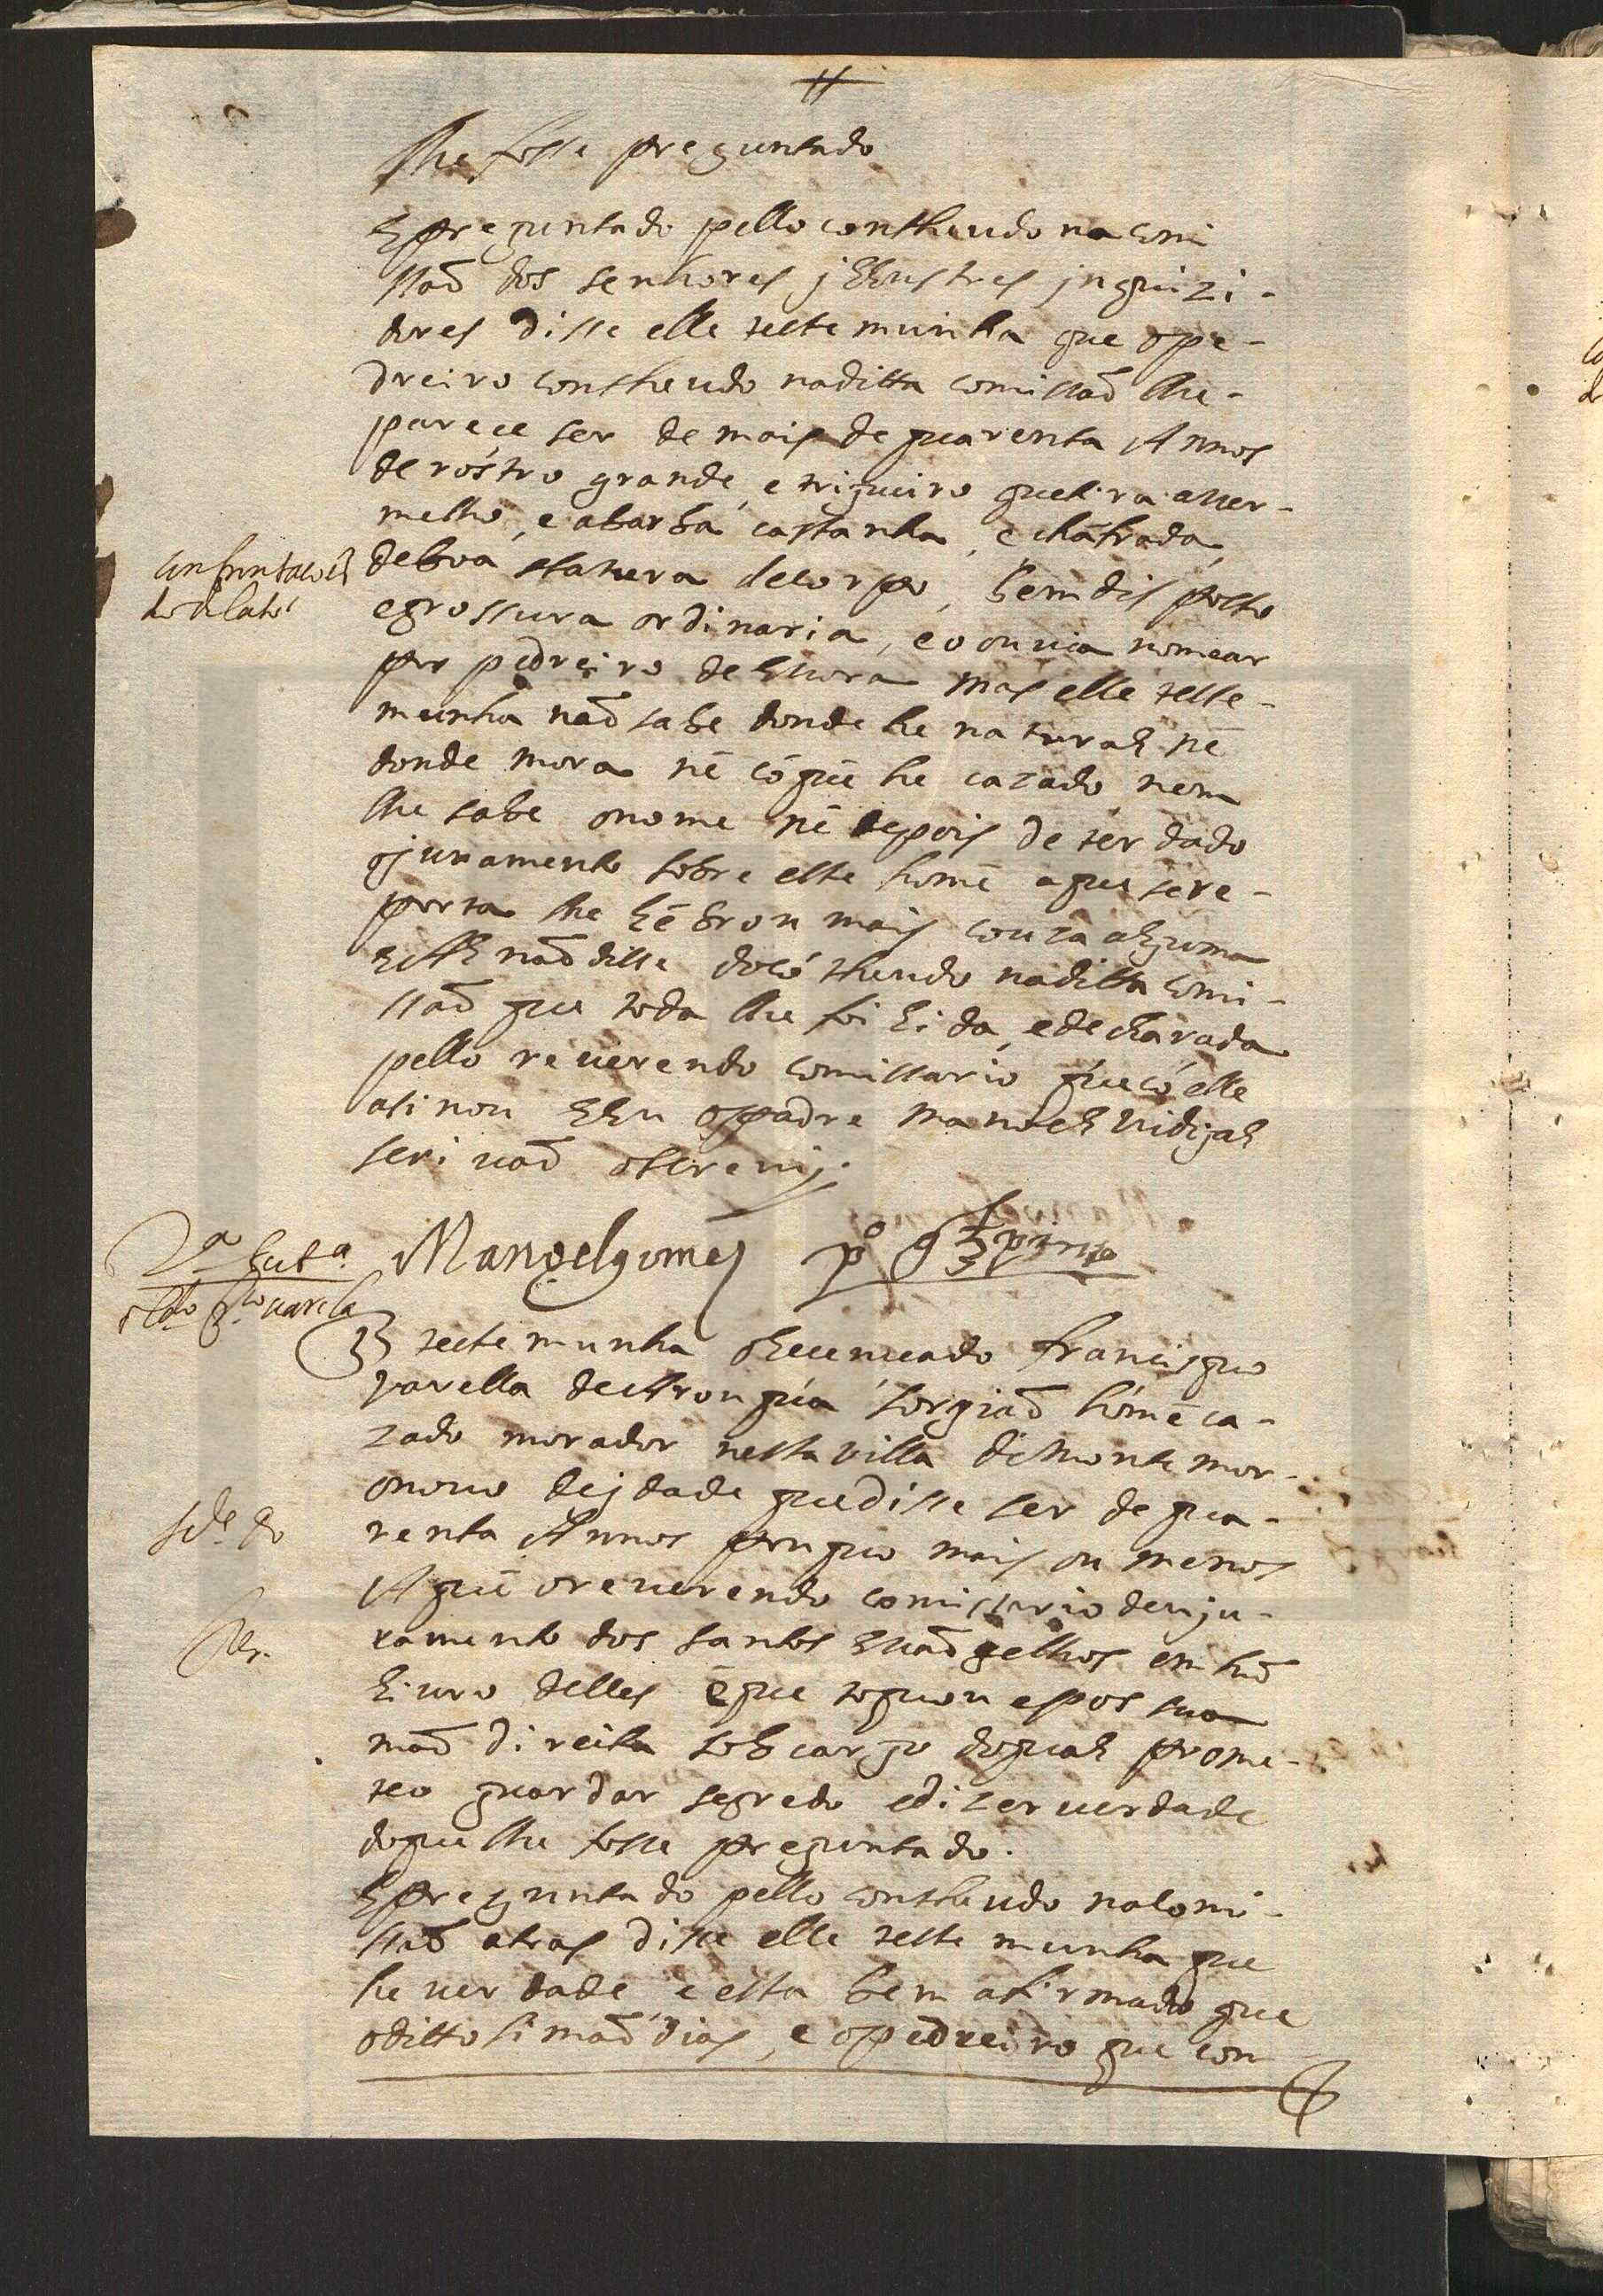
lhe fosse preguntado
E preguntado pelo contheudo na comi
ssão dos senhores jllustres jnquizi
dores disse elle testemunha que o pe
dreiro contheudo na ditta comissão lhe
pareçe ser de mais de quarenta Annos
de rostro grande, e trigueiro guelra a uer
melho, e a barba castanha e chāfrada,
de boa statura de corpo, bem disposto
e grossura ordinaria, e o ouuia nomear
por pedreiro de Euora mas elle teste
munha naõ sabe donde he natural nē
donde mora nē cō quē he cazado nem
lhe sabe o nome nē depois de ter dado
o juramento sobre elle homē a que se re
porta lhe lēbrou mais couza alguma
E Al naõ disse do cōtheudo na ditta comi
ssão que toda lhe foi lida, e declarada
pello reuerendo comissario que cō elle
asinou E Eu o padre manoel vidigal
scriuão o screuy.
item testemunha o leçençeado françisquo
varella de Arouqua sorgião homē ca
zado morador nesta villa de montemor
o nouo de jdade que disse ser de qua
renta Annos pouquo mais ou menos
A quē o reuerendo comissario deu ju
ramento dos santos Euãogelhos em hū
liuro delles e que toquou e pos sua
maõ direita sob cargo do qual prome
teo guardar segredo e dizer uerdade
do que lhe fosse preguntado.
E preguntado pello contheudo na comi
ssaõ atras disse elle testemunha que
he uerdade, e esta bem afirmado que
o ditto simaõ dias, e o pedreiro que con
